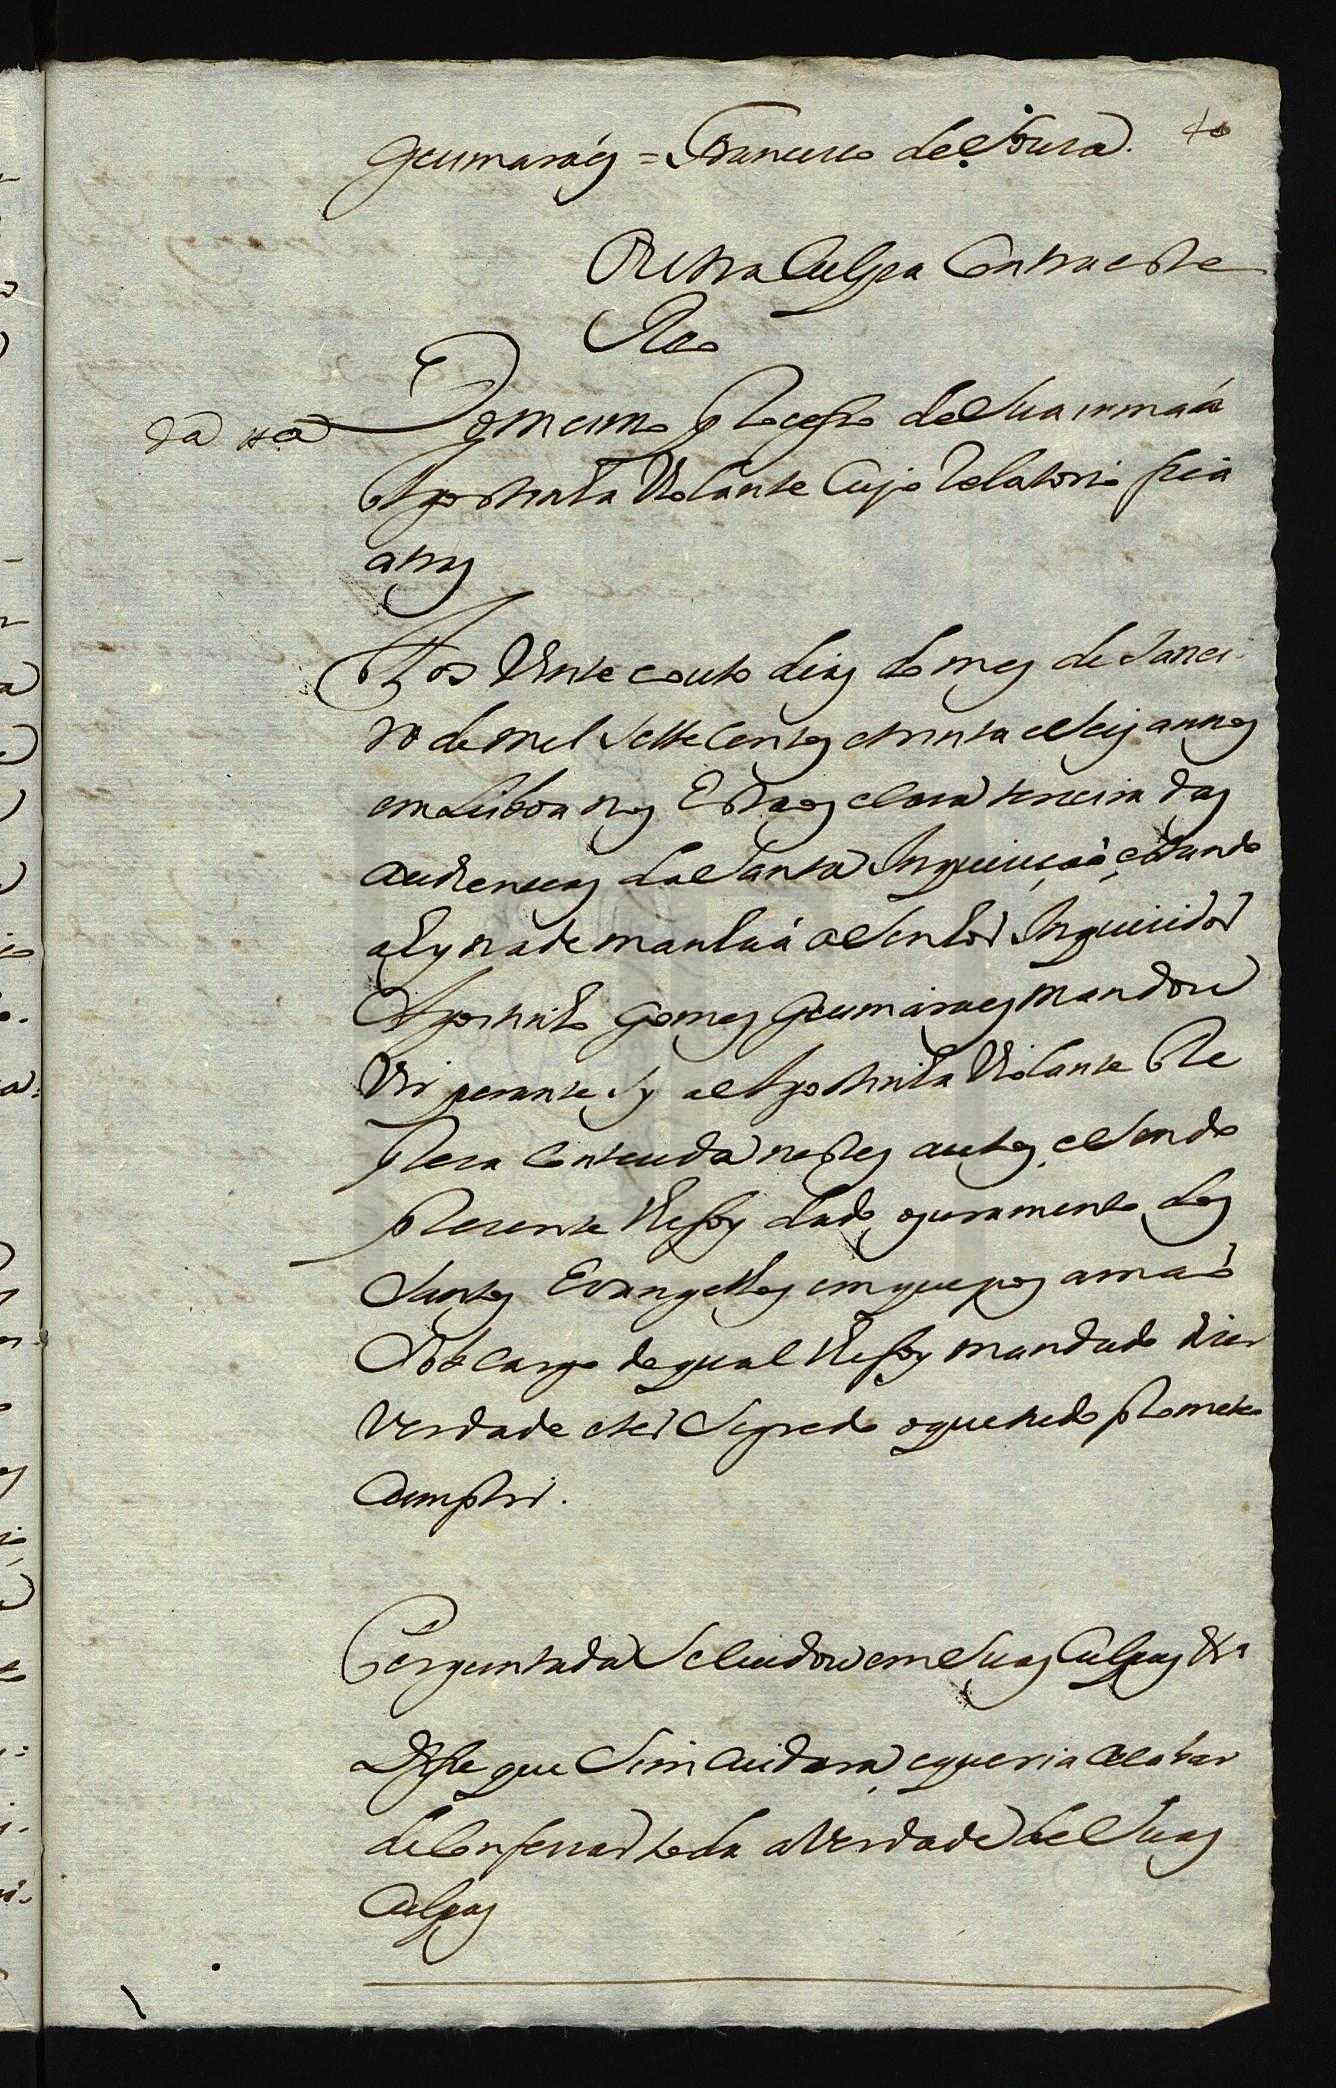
2a tt.a
Guimaraés = Francisco de Souza.
Outra Culpa Contra este
Reo
Do mesmo processo de Sua irmaã
Agostinha Violante Cujo Relatorio fica
atras
Aos Vinte e outo dias do mes de Ianei
ro de mil settecentos e trinta e seis annos
em Lisboa nos Estaos e caza terceira das
audiencias da Santa Inquiziçaõ, estando
ahy na de manhaã o Senhor Inquizidor
Agostinho Gomes Guimaraes mandou
Vir perante sy a Agostinha Violante Re
preza conteuda nestes autos, e sendo
pRezente lhe foy dado o juramento dos
Santos Evangelhos em que pos a maõ
Sob cargo de qual lhe foy mandado dizer
verdade e ter Segredo o que tudo pRometeo
Cumprir.
Perguntada Se cuidou em Suas Culpas &a
Disse que Sim cuidara, e queria acabar
de Confessar toda a verdade de Suas
Culpas
